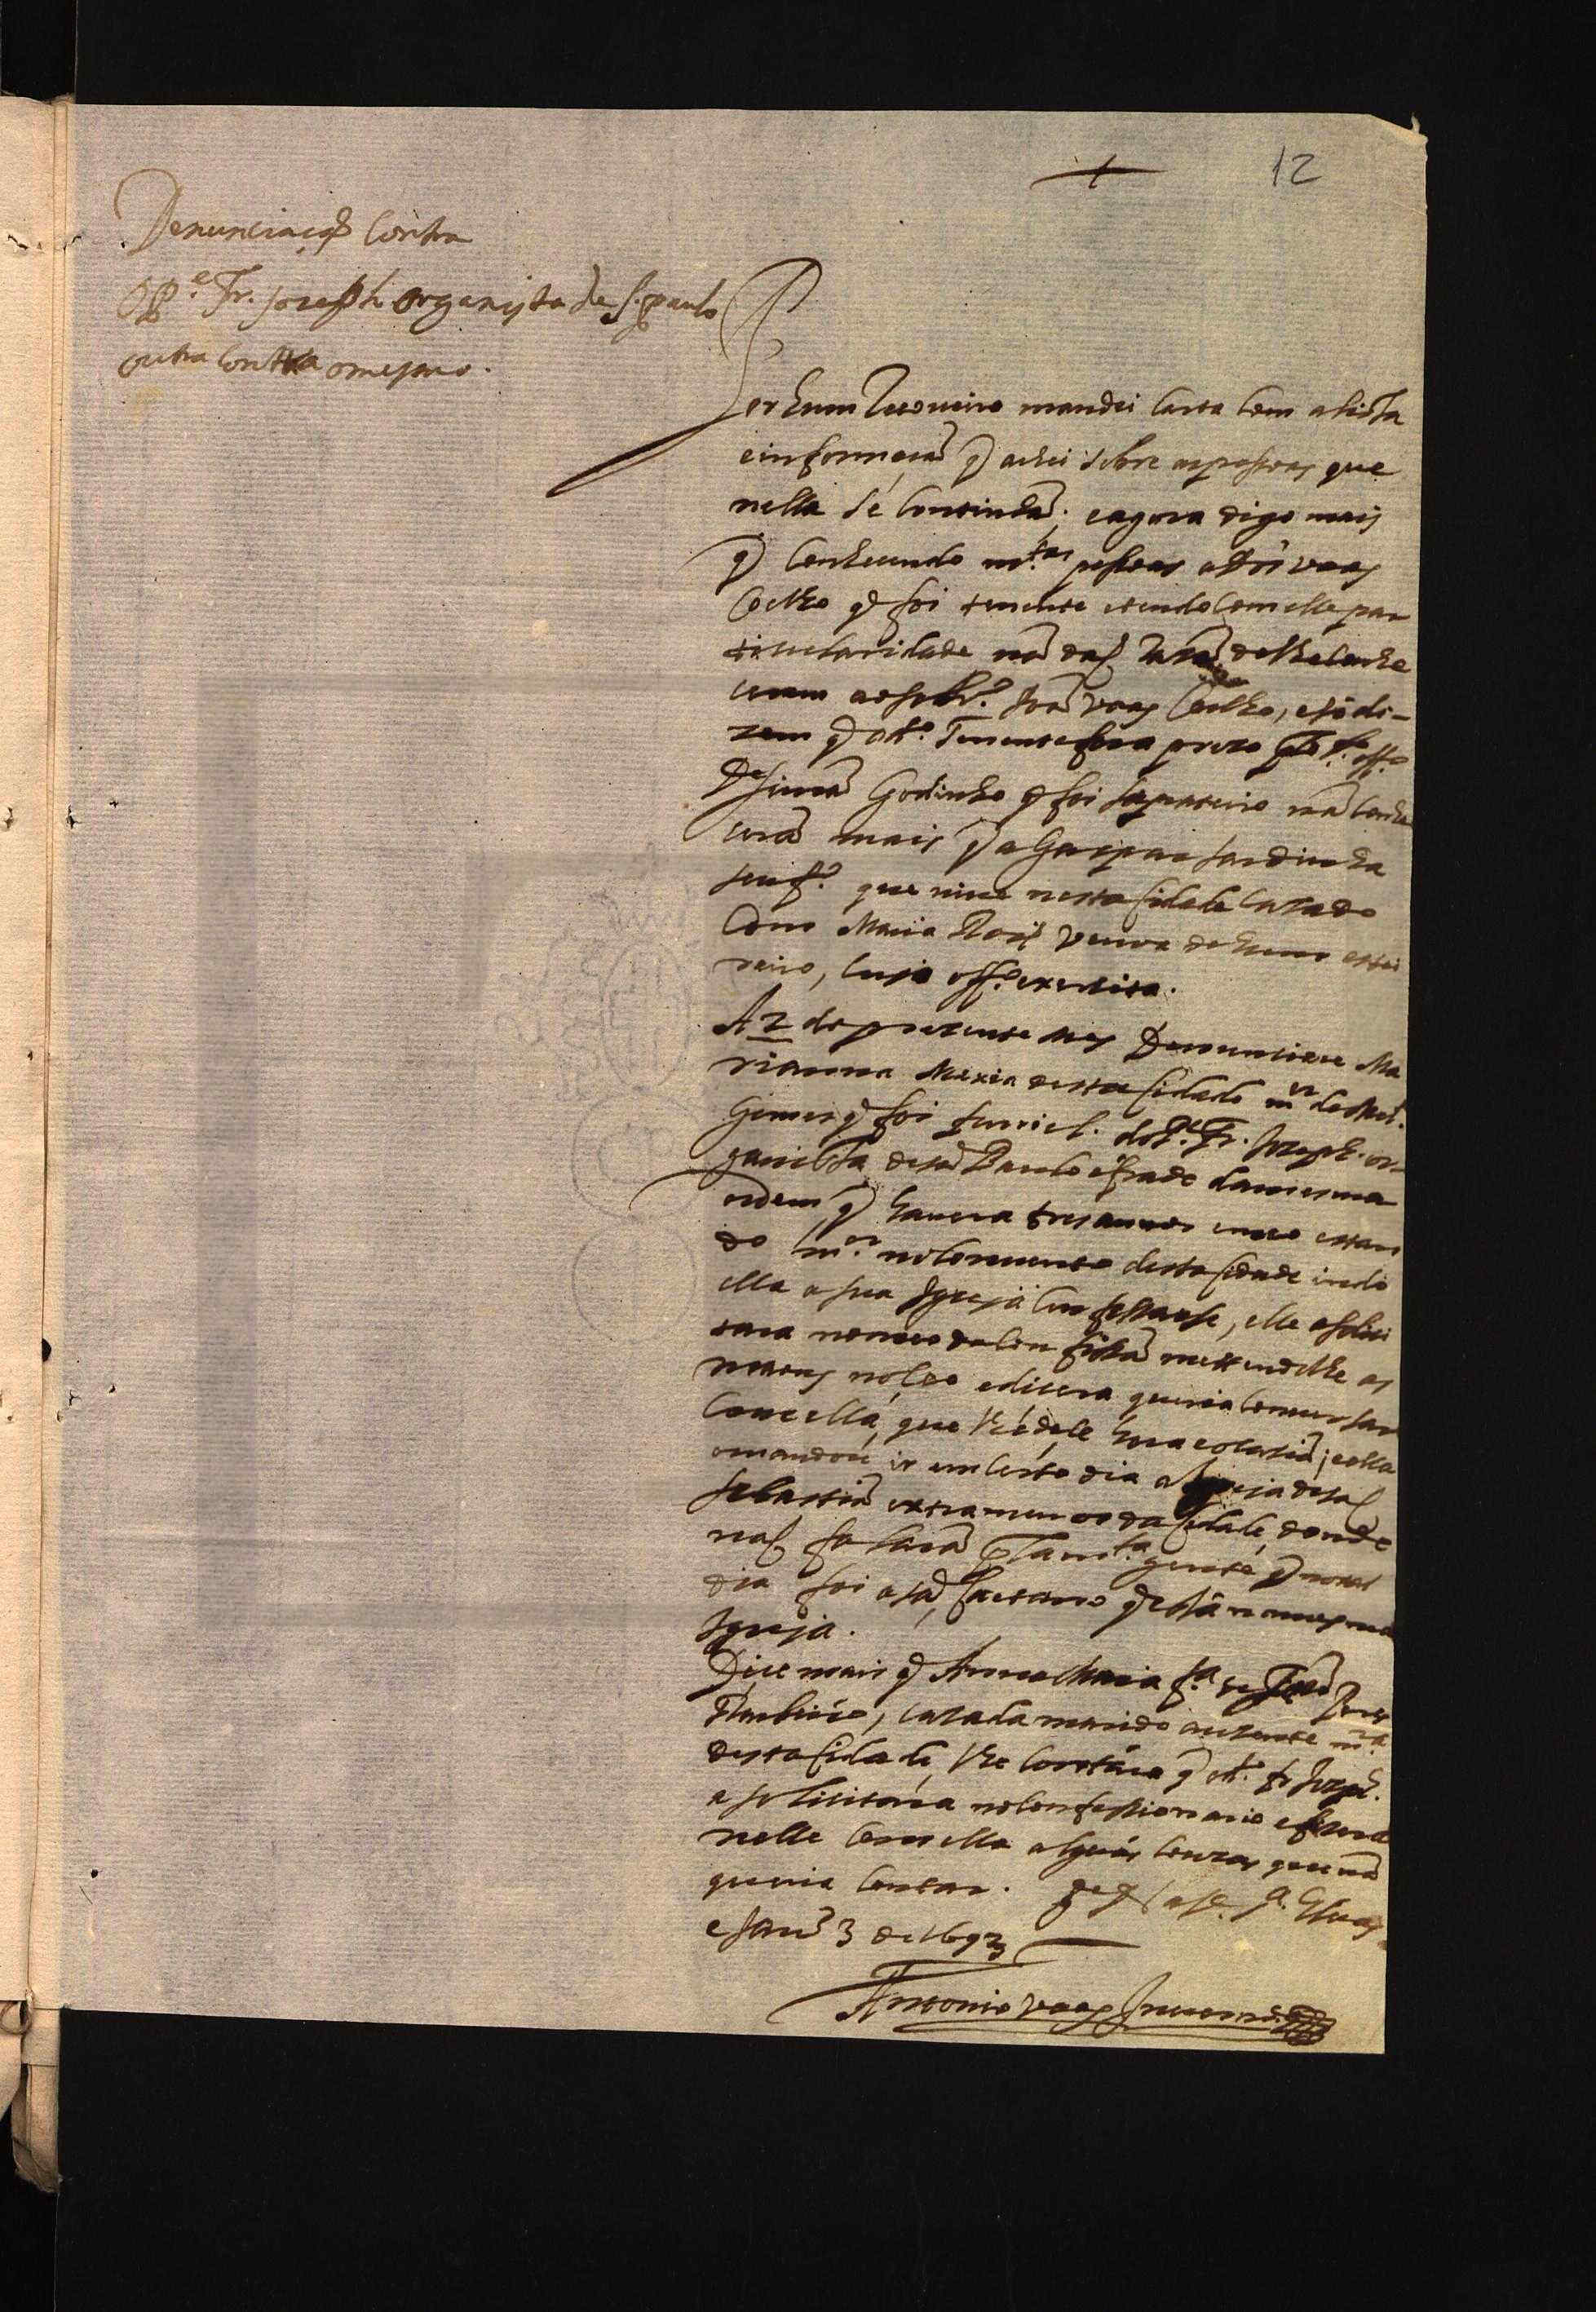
Denunciaçaõ Contra
O P.e Fr. Jozeph organista de S. paulo
outra contra o mesmo.
Por hum Recoueiro mandei carta com a lista
e informaçaõ q̄ achei sobre as pessoas que
nella se Continhā; e agora digo mais
q̄ Conhecendo m.tas pessoas a Dos̄ vaas
Coelho q̄ foi tenente e tendo com elle par
ticularidade naõ daꝭ Razaõ de lhe conhe
cerem ao sobr.o Ioaõ vaas Coelho, e só di
zem q̄ o d̄.o Tenente fora prezo plo s.o off.o
Do Simaõ Godinho q̄ foi sapateiro nā conhe
ceraõ mais q̄ a Gaspar sardinha
seu f.o que uiue nesta Cidade cazado
Com Maria Roiz̄ veuva de hum estei
reiro, cuio off.o exercita.
A 2 do prezente mes Denunciou Ma
rianna Mexia desta Cidade mer de Mel
Gomes q̄ foi furriel. do P.e Fr. Iozeph. or
ganista de saõ Paulo e frade da mesma
ordem q̄ hauera tres anos e meo estan
do m.or no Conuento desta Cidade indo
ella a sua Jgreja confessarse, elle a solici
tara no meo da confissaõ mettendelhe as
maons no ceo e dicera queria conuersar
Com ella, que lhe dece hora e ocaziā; e ella
o mandou ir em certo dia a Igreia de saꝭ
sebastiā extra muros da Cidade, donde
naꝭ falarā p̄la m.ta gente q̄ no tal
dia foi a sā Caetano q̄ está na mesma
Igreja.
Dice mais q̄ Anna Maria f.a de Joaõ Peres
Barbeiro, cazada marido auzente m.ra
desta Cidade, lhe contara q̄ o d̄.o fr Iozeph.
a solicitara no confessionario e fizera
nelle com ella alguās couzas que nā
queria contar. gde Ds̄ a V sa. Eluas
e Jan̄ 3 de 1693
Antonio vaas Jnuerno
